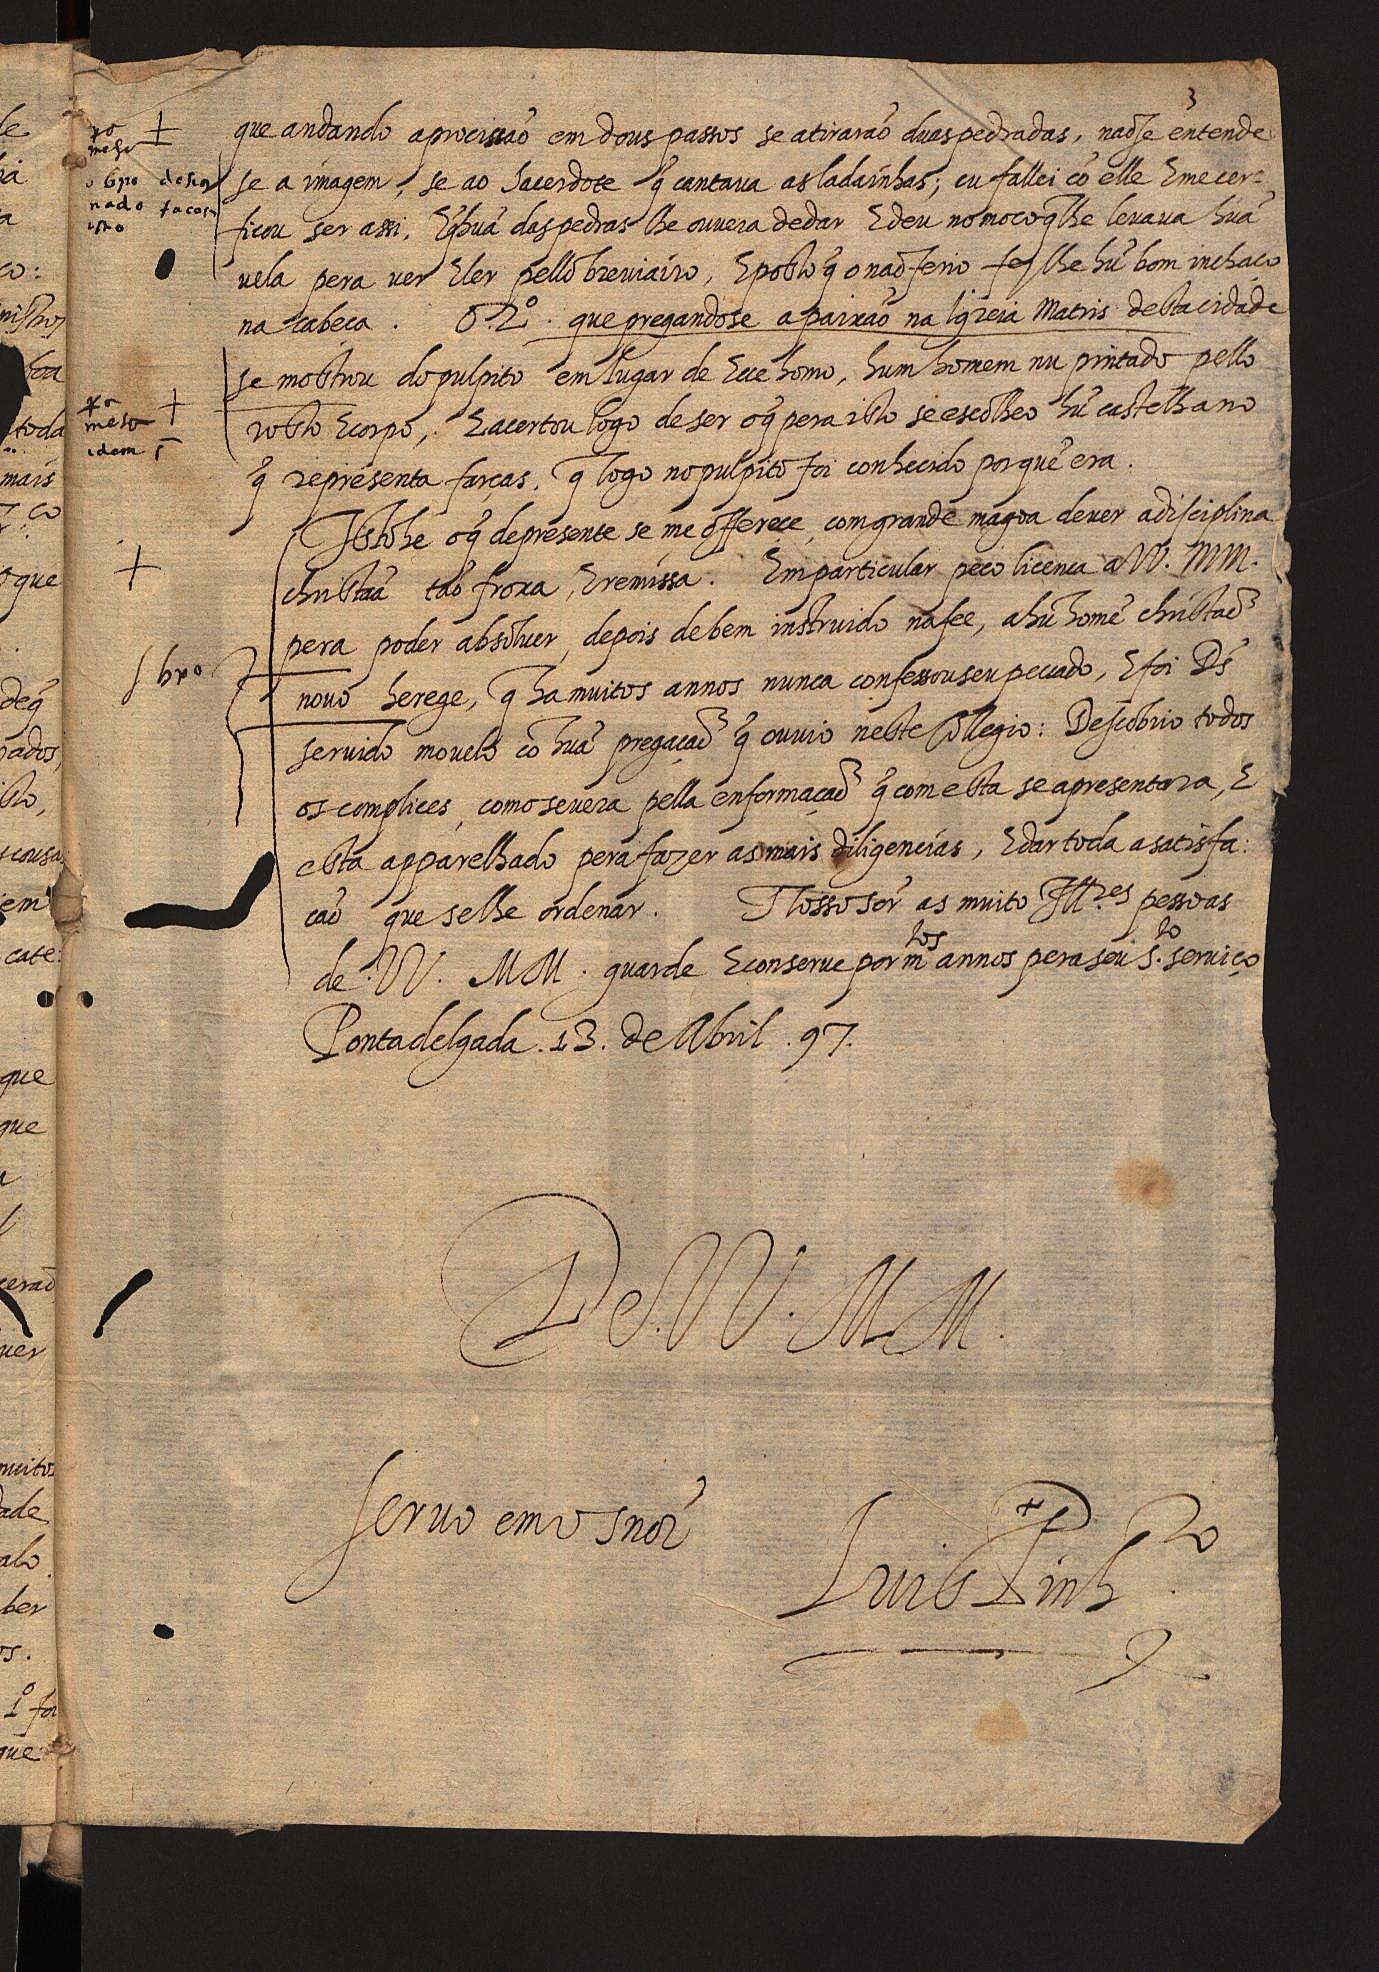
que andando a procissaõ em dous passos se atiraraõ duas pedradas, naõ se entende
se a imagem, se ao Sacerdote q̄ cantaua as ladainhas; eu fallei cō elle E me cer
ficou ser assi. E huā das pedras lhe ouuera de dar E deu no moco q̄ lhe leuaua huā
uela pera uer E ler pello breuiairo, E posto q̄ o naõ ferio fezlhe hū bom inchaço
na cabeça. O 2o. que pregandose a paixaõ na Igreia Matris desta cidade
se mostrou do pulpito em lugar de Ecce homo, hum homem nu pintado pello
rosto E corpo, E acertou logo de ser o q̄ pera isto se escolheo hū castelhano
q̄ representa farças q̄ logo no pulpito foi conhecido por quē era.
Isto he o q̄ de presente se me offereçe, com grande magoa de uer a disciplina
christaā taõ froxa E remissa. Em particular peco licenca a VV. MM.
pera poder absoluer, depois de bem instruido na fee, a hū homē christaõ
nouo herege, q̄ ha muitos annos nunca confessou seu peccado, E foi Ds̄
seruido mouelo cō huā pregaçaõ q̄ ouuio neste Collegio: Descobrio todos
os complices, como se uera pella enformaçaõ q̄ com esta se apresentara, E
esta apparelhado pera fazer as mais diligencias, E dar toda a satisfa
caõ que se lhe ordenar. Nosso sor̄ as muito Ill̄.res pessoas
de VV. MM. guarde E conserue por mtos annos pera seu s.to seruiço
Ponta delgada. 13. de Abril .97.
De VV. MM.
seruo em o snor̄
ꝑa
mesa
o bpo desig
nado faca
isto
ꝑa
mesa +
idem s̄
+
bpo
